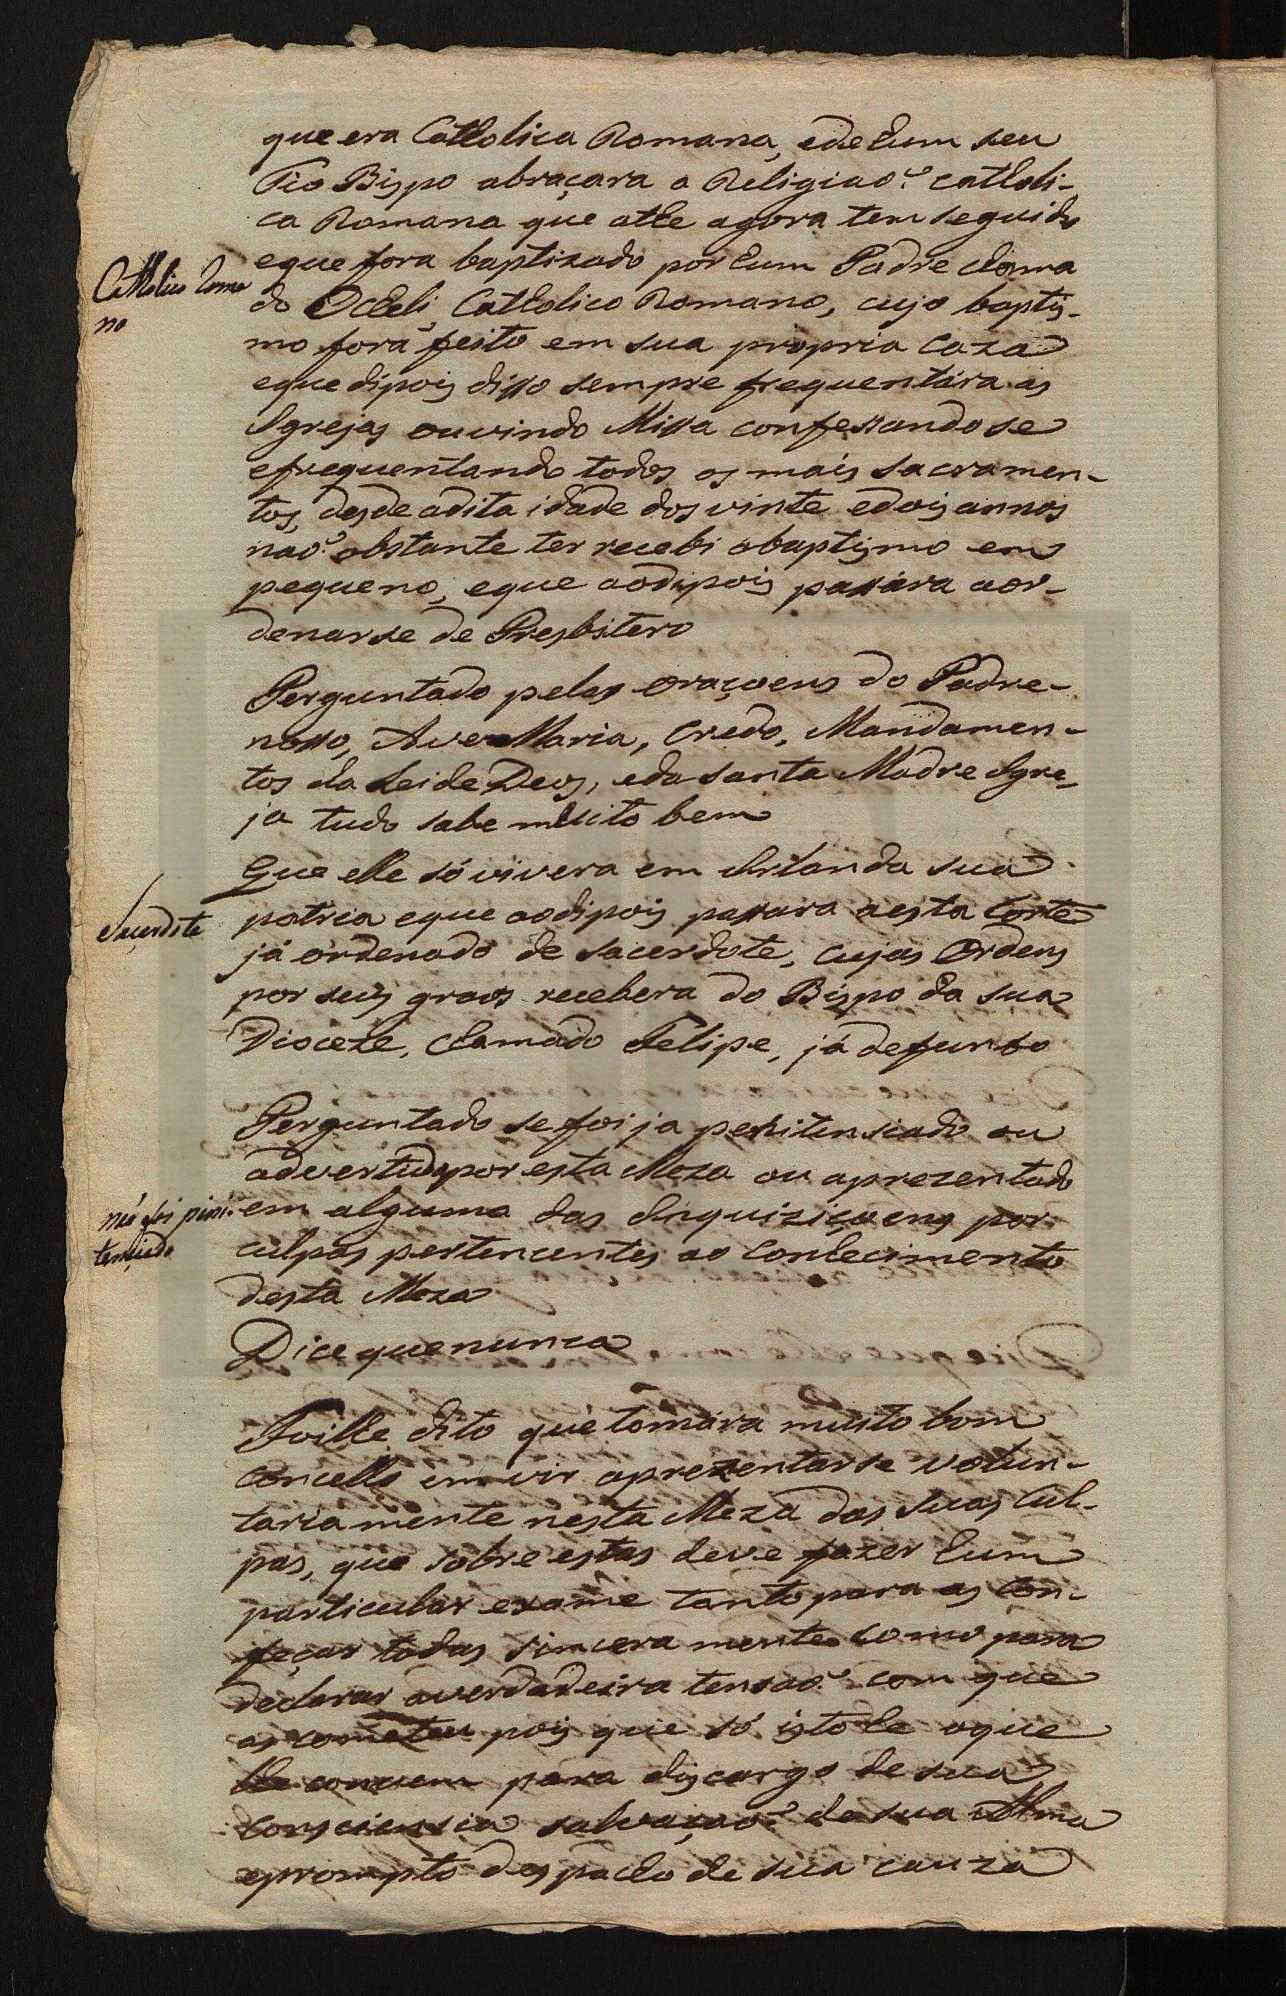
Catholico Roma
no
Saçerdote
naõ foi pini
tençiado
que era Catholica Romana, e de hum seu
Tio Bispo abraçara a Religiaõ catholi
ca Romana que athe agora tem seguido
e que fora baptizado por hum Padre chama
do Ocheli, Catholico Romano, cujo baptis
mo fora feito em sua propria caza
e que dipois disso sempre frequentara as
Igrejas ouvindo Missa confessandose
e frequentando todos os mais sacramen
tos, desde a dita idade dos vinte e dois annos
naõ obstante ter recebi o baptimo em
pequeno, e que ao dipois passára a or
denarse de Presbitero
Perguntado pelas oraçoens do Padre
nosso, Ave Maria, credo, Mandamen
tos da Lei de Deos, e da santa Madre Igre
ja tudo sabe muito bem
Que elle só vivera em Irlanda sua
patria e que ao dipois passara a esta Corte
já ordenado de sacerdote, cujas Ordens
por seus graos recebera do Bispo da sua
Dioceze, chamado Felipe, já defunto
Perguntado se foi ja penitensiado ou
advertido por esta Meza ou aprezentado
em alguma das Inquiziçoens por
culpas pertencentes ao conhecimento
desta Meza
Dice que nunca.
Foi lhe dito que tomára muito bom
concelho em vir aprezentarse volun
tariamente nesta Meza das suas cul
pas, que sobre estas deve fazer hum
particular exame tanto para as con
feçar todas simceramente como para
declarar a verdadeira tensaõ com que
as cometeu pois que só isto he o que
lhe convem para descargo de sua
consciensia salvaçaõ da sua Alma
e prompto despacho de sua cauza
